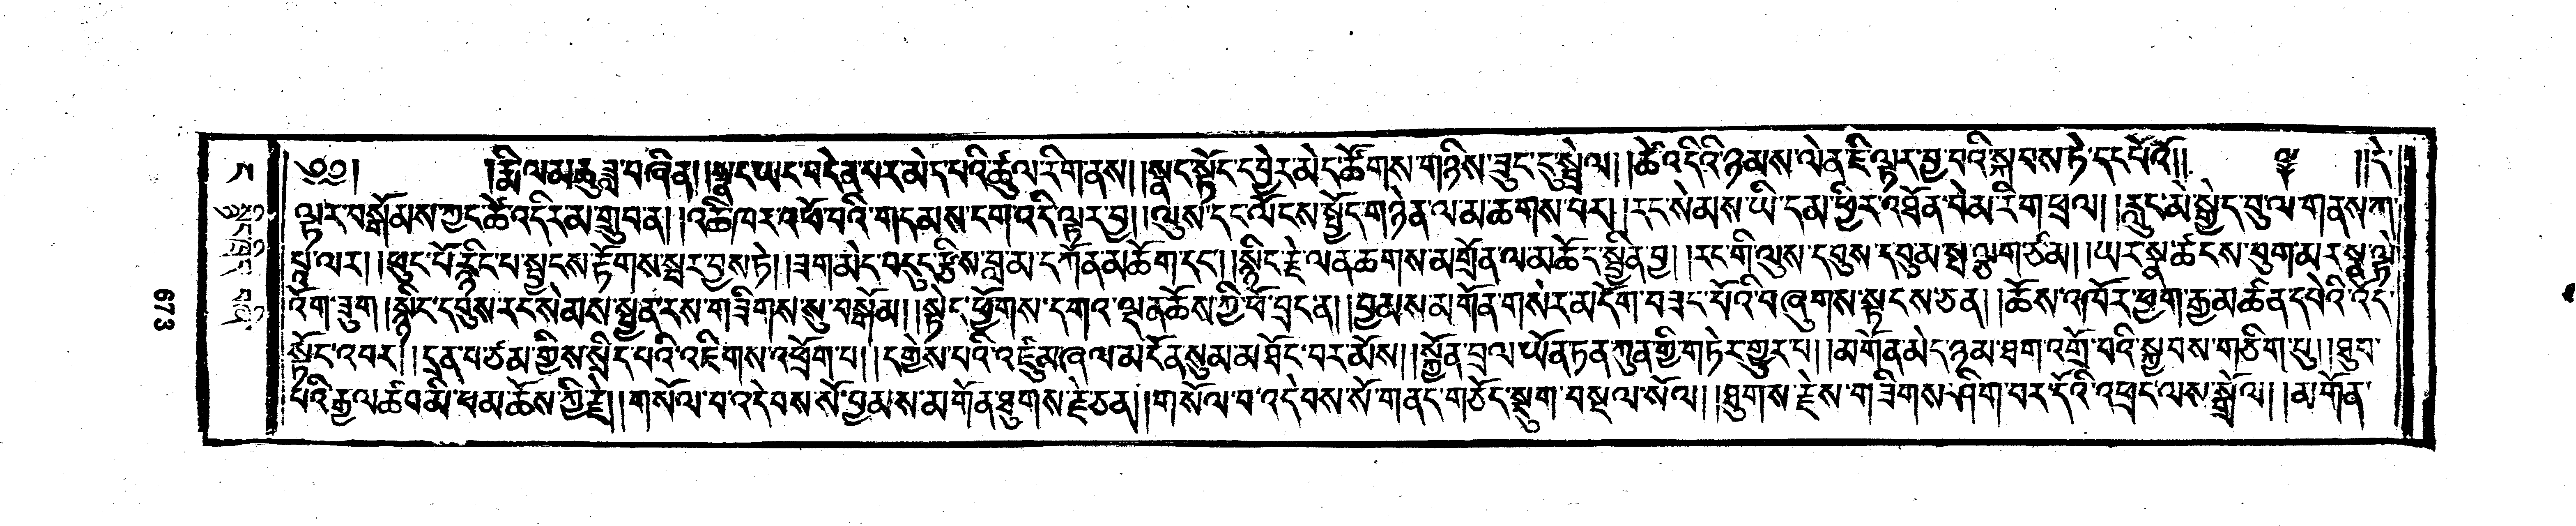༄༅། །རྨི་ལམ་ཆུ་ཟླ་བཞིན། །སྣང་ཡང་བདེན་པར་མེད་པའི་ཚུལ་རིག་ནས། །སྣང་སྟོང་དབྱེར་མེད་ཚོགས་གཉིས་ཟུང་དུ་སྦྲེལ། །ཚེ་འདིའི་ཉམས་ལེན་ཇི་ལྟར་བྱ་བའི་སྐབས་ཏེ་དང་པོའོ།། ༈ །།དེ་
ལྟར་བསྒོམས་ཀྱང་ཚེ་འདིར་མ་གྲུབ་ན། །འཆི་ཁར་འཕོ་བའི་གདམས་ངག་འདི་ལྟར་བྱ། །ལུས་དང་ལོངས་སྤྱོད་གཉེན་ལ་མ་ཆགས་པར། །རང་སེམས་ཡི་དམ་ཕྱིར་འཐོན་བེམ་རིག་ཕྲལ། །རླུང་མ་སྒྱེད་བུ་ལ་གནས་ཀ་
པཱ་ལར། །ཕུང་པོ་རྙིང་པ་སྦྱངས་རྟོགས་སྦར་བྱས་ཏེ། །ཟག་མེད་བདུད་རྩིས་བླ་མ་དཀོན་མཆོག་དང་། །སྙིང་རྗེ་ལན་ཆགས་མགྲོན་ལ་མཆོད་སྦྱིན་བྱ། །རང་གི་ལུས་དབུས་དབུ་མ་སྤ་ལྕགས་ཙམ། །ཡར་སྣ་ཚངས་བུག་མར་སྣ་ལྟེ་
འོག་ཟུག །སྙིང་དབུས་རང་སེམས་སྤྱན་རས་གཟིགས་སུ་བསྒོམ། །སྟེང་ཕྱོགས་དགའ་ལྡན་ཆོས་ཀྱི་ཕོ་བྲང་ན། །བྱམས་མགོན་གསེར་མདོག་བཟང་པོའི་བཞུགས་སྟངས་ཅན། །ཆོས་འཁོར་ཕྱག་རྒྱ་མཚན་དཔེའི་འོད་
སྟོང་འབར། །དྲན་པ་ཙམ་གྱིས་སྲིད་པའི་འཇིགས་འཕྲོག་པ། །དགྱེས་པའི་འཛུམ་ཞལ་མངོན་སུམ་མཐོང་བར་མོས། །སྐྱོན་བྲལ་ཡོན་ཏན་ཀུན་གྱི་གཏེར་གྱུར་པ། །མགོན་མེད་ཉམ་ཐག་འགྲོ་བའི་སྐྱབས་གཅིག་པུ། །ཐུབ་
པའི་རྒྱལ་ཚབ་མི་ཕམ་ཆོས་ཀྱི་རྗེ། །གསོལ་བ་འདེབས་སོ་བྱམས་མགོན་ཐུགས་རྗེ་ཅན། །གསོལ་བ་འདེབས་སོ་གནད་གཅོད་སྡུག་བསྔལ་སོལ། །ཐུགས་རྗེས་གཟིགས་ཤིག་བར་དོའི་འཕྲང་ལས་སྒྲོལ། །མགོན་